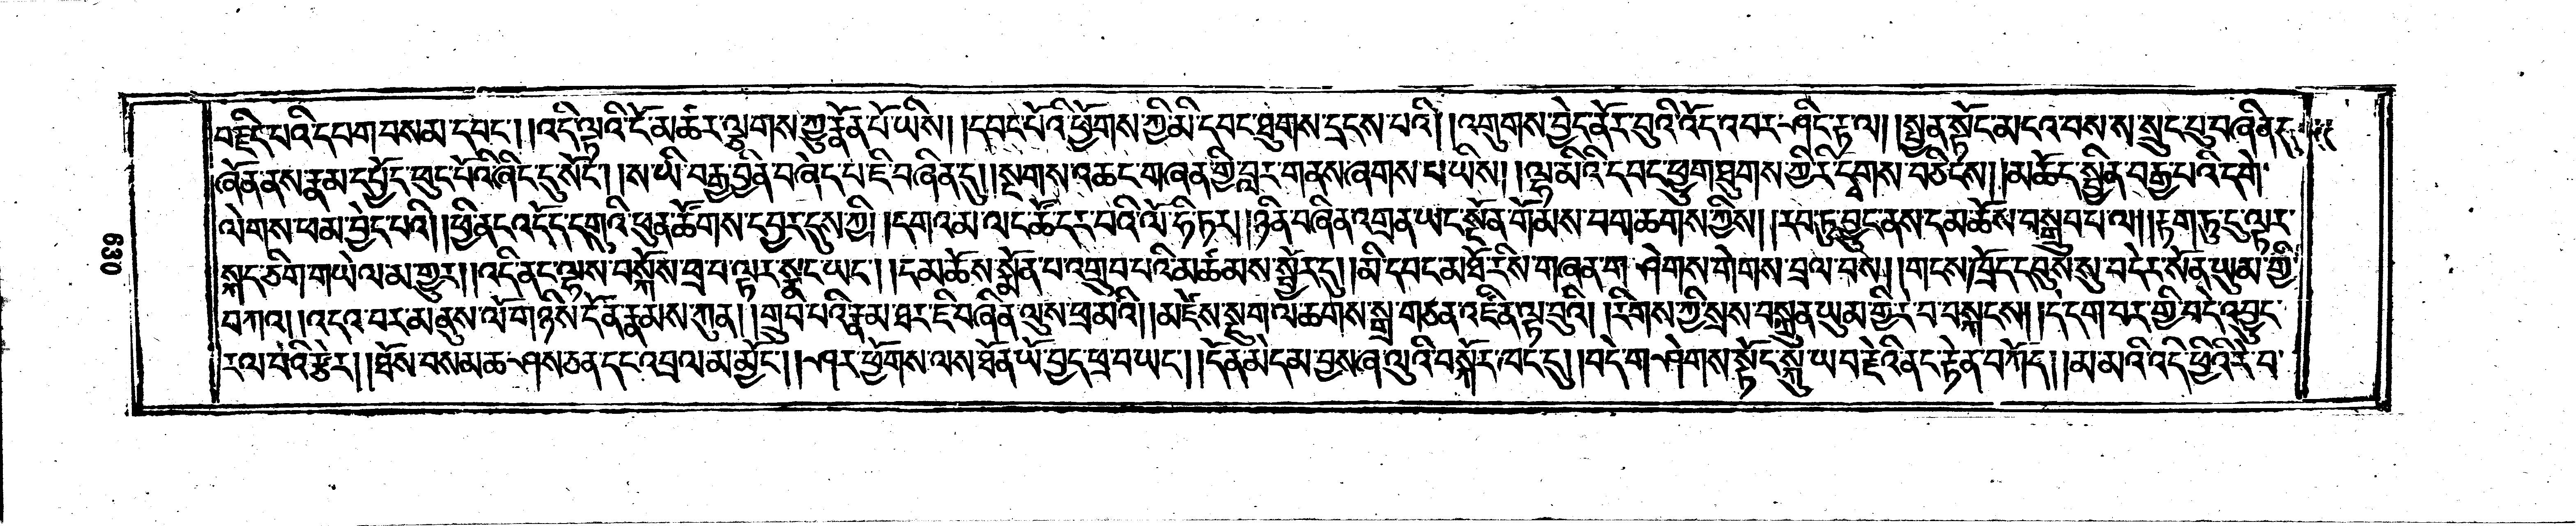བརྗིད་པའི་དཔག་བསམ་དབང་། །འདི་ལྟའི་ངོ་མཚར་ལྕགས་ཀྱུ་རྣོན་པོ་ཡིས། །དབང་པོའི་ཕྱོགས་ཀྱི་མི་དབང་ཐུགས་དྲངས་པའི། །འགུགས་བྱེད་ནོར་བུའི་འོད་འབར་ཤིང་རྟ་ལ། །སྤྱན་སྟོང་མངའ་བས་ས་སྲུང་བུ་བཞིན་དུ་
ཞོན་མས་རྣམ་དཔྱོད་ཕུང་པོའི་ཞིང་དུ་སོང་། །ས་ཡི་བརྒྱ་བྱིན་བཞེད་པ་ཇི་བཞིན་དུ། །སྔགས་འཆང་གཞན་གྱི་བླར་གནས་ཞགས་པ་ཡིས། །ལྷ་མིའི་དབང་ཕྱུག་ཐུགས་ཀྱི་རི་དྭགས་བཅིངས། །མཆོད་སྦྱིན་བརྒྱ་པའི་དགེ་
ལེགས་ཕམ་བྱེད་པའི། །ཕྱི་ནང་འདོད་དགུའི་ཕུན་ཚོགས་དབྱར་དུས་ཀྱི། །དགའ་མ་ལང་ཚོ་དར་བའི་ལོ་ཧི་ཏར། །ཉིན་བཞིན་འགྲན་ཡང་སྔོན་གོམས་བག་ཆགས་ཀྱི། །རབ་ཏུ་བྱུང་ནས་དམ་ཆོས་བསྒྲུབ་པ་ལ། །རྟག་ཏུ་བུ་ལྟར་
སྐད་ཅིག་གཡེལ་མ་གྱུར། །འདི་ནང་ལྷས་བསྐོས་ཕྲ་བ་ལྟར་སྣང་ཡང་། །དམ་ཆོས་སྨོན་པ་འགྲུབ་པའི་མཚམས་སྦྱོར་དུ། །མི་དབང་མཐོ་རིས་གཞན་གཤེགས་གེགས་བྲལ་བས། །གངས་ཁྲོད་དབུས་སུ་བདེར་སོན་ཡུམ་གྱི་
བཀག །འདའ་བར་མ་ནུས་ལོ་གཉིས་དོན་རྣམས་ཀུན། །གྲུབ་པའི་རྣམ་ཐར་ཇི་བཞིན་ལུས་ཕྲ་མའི། །མཛེས་སྡུག་ལ་ཆགས་སྒྲ་གཅན་འཛིན་ལྟ་བུའི། །རིགས་ཀྱི་སྲས་བསྐྲུན་ཡུམ་གྱི་རེ་བ་བསྐངས། །དེ་དག་བར་གྱི་བདེ་འབྱུང་
རལ་པའི་རྩེར། །ཐོས་བསམ་ཆ་བདས་ཅན་དང་འབྲལ་མ་མྱོང་། །ཤར་ཕྱོགས་ལས་ཐོན་ཡོ་བྱད་ཕྲ་བ་ཡང་། །དོན་མེད་མ་བྱས་ཞ་ལུའི་བསྐོར་ཁང་དུ། །བདེ་གཤེགས་སྟོང་སྐུ་ཡབ་རྗེའི་ནང་རྟེན་བཀོད། །མ་མའི་འདི་ཕྱིའི་རེ་བ་